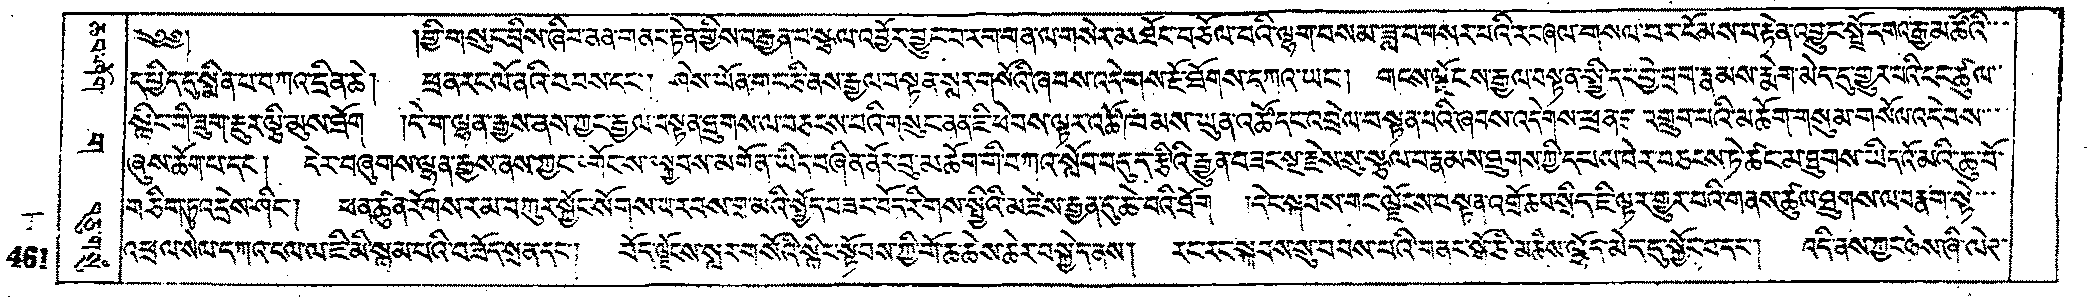༄༅། །གྱི་གསུང་བྲིས་ཞིབ་ནན་གནང་རྟེན་གྱིས་བརྒྱན་པ་སྩལ་འབྱོར་བྱུང་བ་རག་གན་ལ་གསེར་མཐོང་བཅོལ་བའི་ལྷག་བསམ་ཟླ་བ་གསར་པའི་རང་ཞལ་གསལ་བར་ངོམས་པ་རྟེན་འབྱུང་སྤྲོ་དགའ་རྒྱ་མཚོའི་་་
དཔྱིད་དུ་སྨིན་པ་བཀའ་དྲིན་ཆེ། ཕྲན་རང་ལོ་ནའི་བབས་དང་། ཤེས་ཡོན་གང་ཅི་ནས་རྒྱལ་བསྟན་སླར་གསོའི་ཞབས་འདེགས་རྔོ་ཐོགས་དཀའ་ཡང་། གངས་ལྗོངས་རྒྱལ་བསྟན་སྤྱི་དང་བྱེ་བྲག་རྣམས་རྨེག་མེད་དུ་གྱུར་པའི་ངང་ཚུལ་་་
སྙིང་གི་ཟུག་རྔུར་ལྕི་མུས་ཐོག །དེ་ག་ལྷན་རྒྱས་ནས་ཀྱང་རྒྱལ་བསྟན་ཐུགས་ལ་བཅང་བའི་གསུང་ནན་ཇི་ཕེབས་ལྟར་འཚོ་ཁམས་ཡུན་འཚོ་དང་འབྲེལ་བསྟན་པའི་ཞབས་འདེགས་ཕྲན་བུ་འགྲུབ་པའི་མཆོག་གསུམ་གསོལ་འདེབས་་་
ཞུས་ཆོག་པ་དང་། དེར་བཞུགས་ལྷན་རྒྱས་ནས་ཀྱང ༧གོང་ས ༧སྐྱབས་མགོན་ཡིད་བཞིན་ནོར་བུ་མཆོག་གི་བཀའ་སློབ་བདུད་རྩིའི་རྒྱུན་བཟང་སྔ་རྗེས་སུ་སྩལ་བ་རྣམས་ཐུགས་ཀྱི་དཔལ་བེར་བཅངས་ཏེ་ཚང་མ་ཐུགས་ཡིད་འོ་མའི་ཆུ་བོ་
གཅིག་ཏུ་འདྲེས་ཤིང་། ཕན་ཚུན་རོགས་རམ་བཀུར་སྐྱོང་སོགས་ཡ་རབས་གྲ་མའི་སྤྱོད་བཟང་བོད་རིགས་སྤྱིའི་མཛེས་རྒྱན་དུ་ཆེ་བའི་ཐོག །དེང་སྐབས་གང་ལྗོངས་བསྟན་འགྲོ་ཆབ་སྲིད་ཇི་ལྟར་གྱུར་པའི་གནས་ཚུལ་ཐུགས་ལ་བྲང་སྟེ་་་
འཕྲལ་སེལ་དཀའ་ངལ་ལ་ཇི་མི་སྙམ་པའི་བཟོད་སྲན་དང་། བོད་ལྗོངས་སླར་གསོའི་སྙིང་སྟོབས་ཀྱི་གོ་ཆ་ཆེས་ཆེར་བསྐྱེད་ནས། རང་རང་སྐབས་སུ་བབས་པའི་གནང་སྒོ་ཅི་མཆིས་ལྷོད་མེད་དུ་སྐྱོང་བ་དང་། འདི་ནས་ཀྱང་ཉེས་ཞི་ལེཌ་